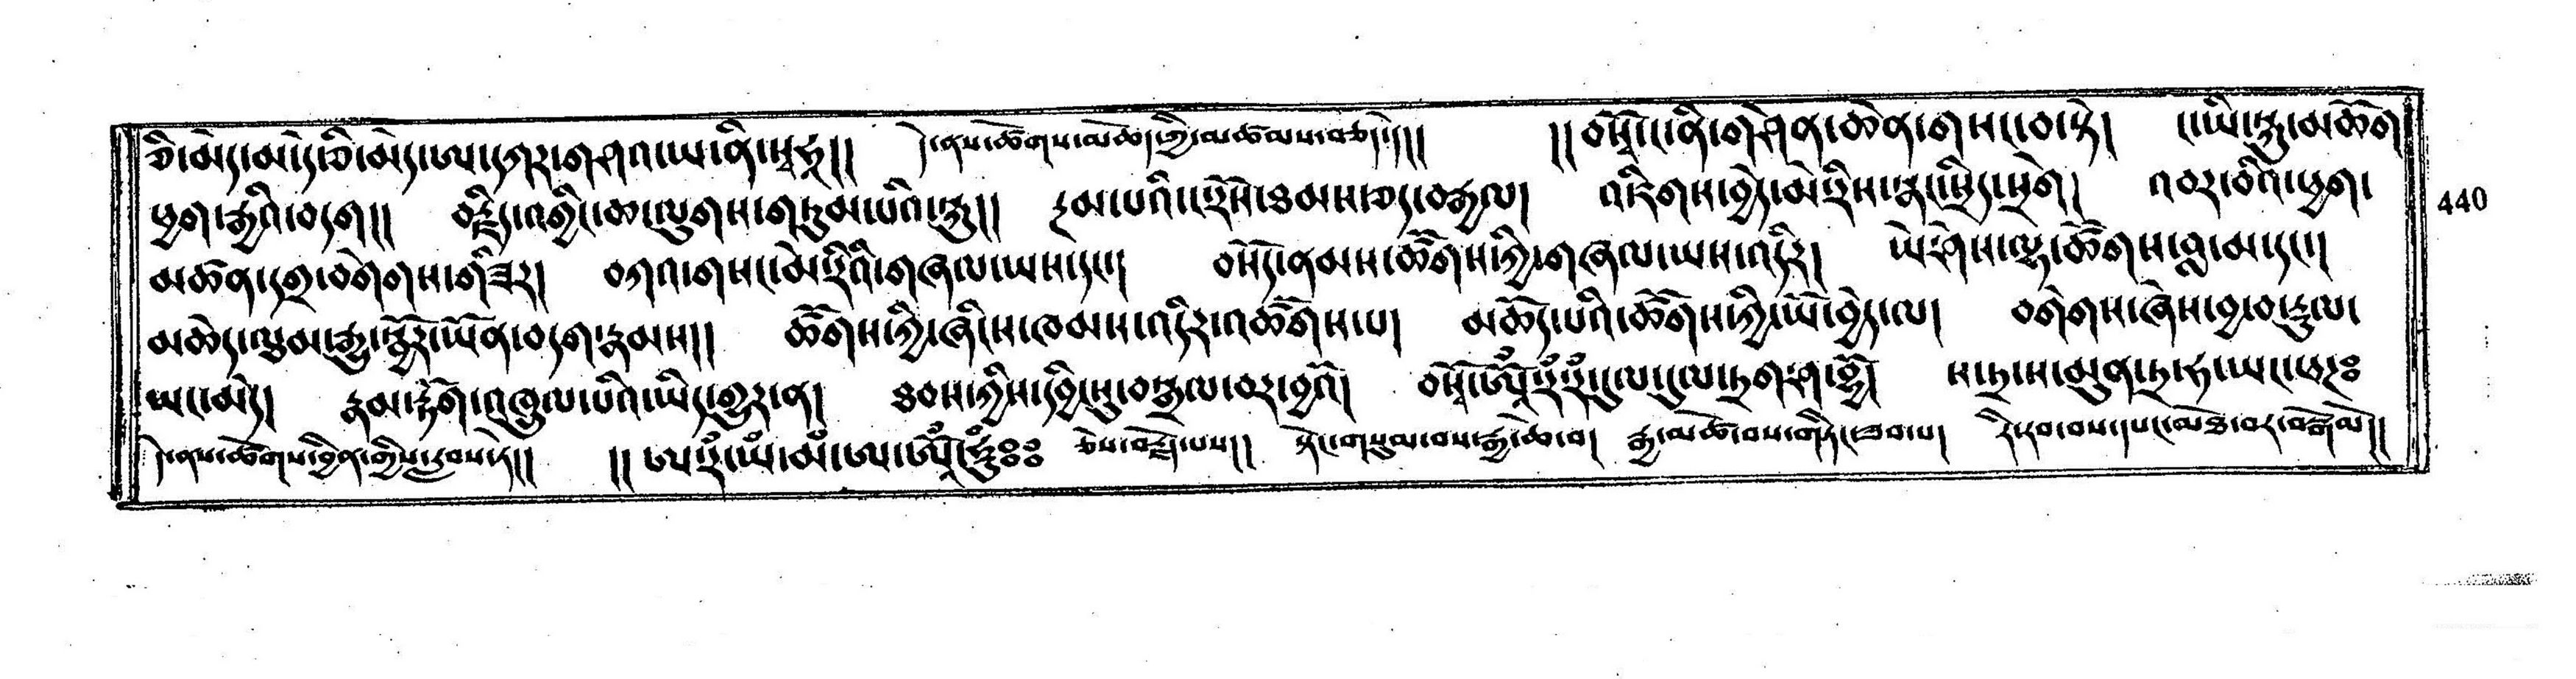ཅི་མེད་མ་དེ་ཅི་མེད་ཨ་དཀར་གཤའ་ཡ་ནི་སྭཧཱ།། དེ་ནས་ཚོགས་མཆོད་ཀྱི་མཚམས་བཅད་དེ།། །།བསྭོ་ང་ནི་གཤེན་ཆེན་གསང་བ་སྟེ། {453}ང་ཡི་སྐུ་མཆོག་
ཕྱག་རྒྱའི་བདག བརྗིད་འགྱིང་ཆ་ལུགས་གཏུམ་པའི་སྐུ།། རྔམ་པའི་ང་རོས་ཐམས་ཅད་བརྒྱལ། འཇིགས་བྱེད་མེ་རིས་སྣང་སྲིད་སྲེག འབར་བའི་ཕྱག་
མཚན་དགྲ་བགེགས་གཟིར། བཀའ་གསང་མེ་རིའི་གཞལ་ཡས་དང་། བསོད་ནམས་ཚོགས་ཀྱི་གཞལ་ཡས་འདིར། ཡེ་ཤེས་ལྷ་ཚོགས་བླ་མ་དང་། 
མཆེད་ལྕམ་རྒྱུ་སྦྱོར་ཡོན་བདག་རྣམས།། ཚོགས་ཀྱི་ཞིང་ཁམས་འདིར་འཚོགས་པ། མཆོད་པའི་ཚོགས་ཀྱི་ཡོ་བྱད་ལ། བགེགས་ཞེས་བྱ་བ་རྡུལ་
ཡང་མེད། རྣམ་རྟོག་འཁྲུལ་པའི་ཡིད་གྱུར་ན། ཐབས་ཀྱིས་དབྱིངས་སུ་བསྒྲལ་བར་བྱའོ། བསྭོ་ཨཱོཾ་རཾ་རཾ་དུལ་དུལ་དྲག་ཤ་བྷྱོ། ས་ཏྲ་ས་མུན་ཏྲ་ཧ་ཡང་ཕཊ༔ 
དེ་ནས་ཚོགས་བྱིན་གྱིས་བརླབས་ཏེ།། ཨ་རྃ་ཡྃ་མྃ་ཨ་ཨཱོཾ་ཧཱུྃཿ༔ ཅེས་བརྗོད་པས།། སྟོང་གསུམ་བས་རྒྱ་ཆེ་བ། རྒྱ་མཚོ་བས་གཏིང་ཟབ་པ། རི་རབ་བས་དཔང་མཐོ་བར་བསྒོམ་མོ།།